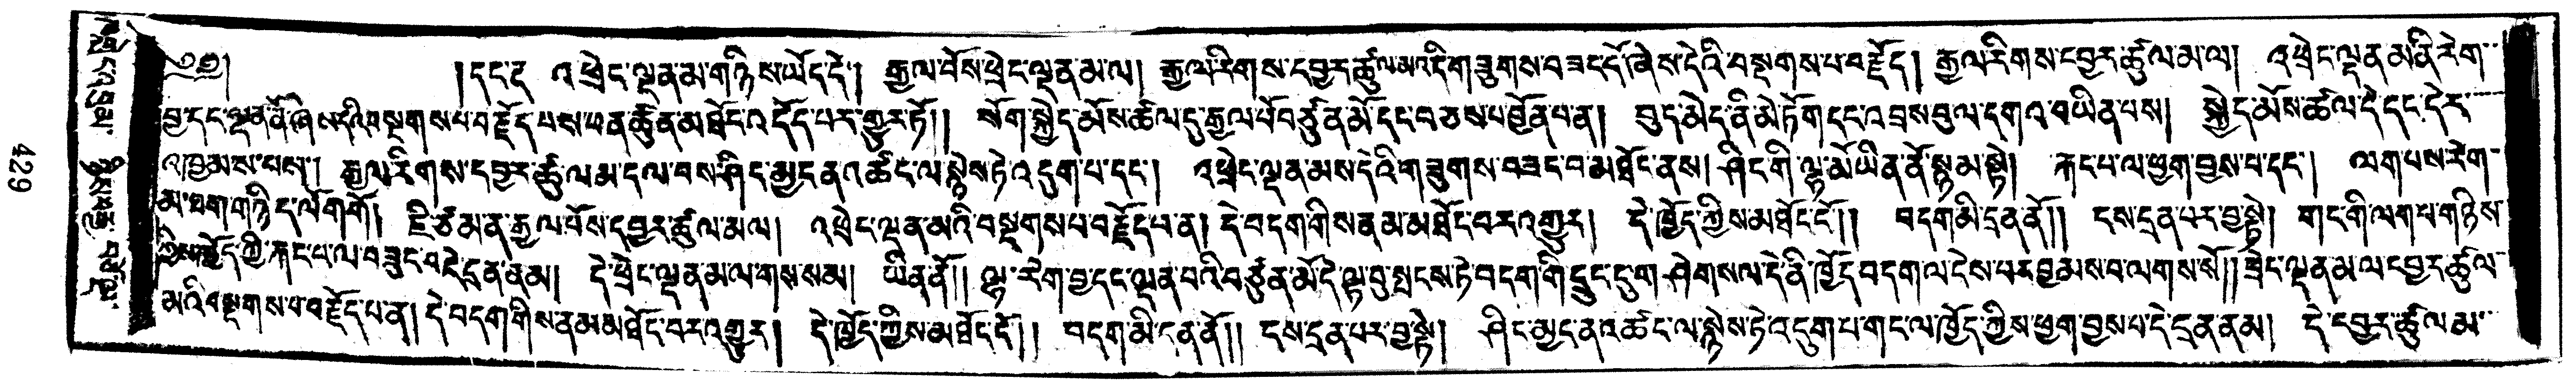༄༅། །དང་རྡ་འཕྲེང་ལྡན་མ་གཉིས་ཡོད་དེ། རྒྱལ་བོས་ཕྲེང་ལྡན་མ་ལ། རྒྱལ་རིགས་དབྱར་ཚུལ་མ་འདི་གཟུགས་བཟང་དོ་ཞེས་དེའི་བསྔགས་པ་བརྗོད། རྒྱལ་རིགས་དབྱར་ཚུལ་མ་ལ། འཕྲེང་ལྡན་མ་ནི་རེག་
བྱ་དང་ལྡན་ནོ་ཞེས་དའི་བསྔགས་པ་བརྗོད་པས་ཕན་ཚུན་མཐོང་འདོད་པར་གྱུར་ཏོ།། སོག་སྐྱེད་མོས་ཚལ་དུ་རྒྱལ་པོ་བཙུན་མོ་དང་བཅས་པ་བྱོན་པ་ན། བུད་མེད་ནི་མེ་ཏོག་དང་འབྲས་བུ་ལ་དགའ་བ་ཡིན་པས། སྐྱེད་མོས་ཚལ་དེ་དང་དེར་
འཁྱམས་པས། རྒྱལ་རིགས་དབྱར་ཚུ་ལམ་དལ་བས་ཤིང་མྱ་ངན་འཚང་ལ་སྙེས་ཏེ་འདུག་པ་དང་། འཕྲེང་ལྡན་མས་དེའི་གཟུགས་བཟང་བ་མཐོང་ནས། ཤིང་གི་ལྷ་མོ་ཡིན་ནོ་སྙམ་སྟེ། རྐང་པ་ལ་ཕྱག་བྱས་པ་དང་། ལག་པས་རེག་
མ་ཐག་གཉིད་ལོག་གོ། ཇི་ཙམ་ན་རྒྱལ་པོས་དབྱར་ཚུལ་མ་ལ། འཕྲེང་ལྡན་མའི་བསྔགས་པ་བརྗོད་པ་ན། དེ་བདག་གིས་ནམ་མཐོང་བར་འགྱུར། དེ་ཁྱོད་ཀྱིས་མཐོང་ངོ།། བདག་མི་དྲན་ནོ།། ངས་དྲན་པར་བྱ་སྟེ། གང་གི་ལག་པ་གཉིས་
ཀྱིས་ཁྱོད་ཀྱི་རྐང་པ་ལ་བཟུང་བདེ་དྲན་ནམ། དེ་ཕྲེང་ལྡན་མ་ལ་གས་སམ། ཡིན་ནོ།། ལྷ་རེག་བྱ་དང་ལྡན་པའི་བཙུན་མོ་དེ་ལྟ་བུ་སྤངས་ཏེ་བདག་གི་དྲུང་དུ་གཤེགས་ལ་དེ་ནི་ཁྱོད་བདག་ལ་དེས་པར་བྱམས་བ་ལགས་སོ། །ཕྲེང་ལྡན་མ་ལ་དབྱར་ཚུལ་
མའི་བསྔགས་པ་བརྗོད་པ་ན། དེ་བདག་གིས་ནམ་མཐོང་བར་འགྱུར། དེ་ཁྱོད་ཀྱིས་མཐོད་དོ།། བདག་མི་དན་ནོ།། དས་དྲན་པར་བྱ་སྟེ། ཤིང་མྱང་ན་འཚང་ལ་སྙེས་ཏེ་འདུག་པ་གང་ལ་ཁྱོད་ཀྱིས་ཕྱག་བྱས་པ་དེ་དྲན་ནམ། དེ་དབྱར་ཚུལ་མ་